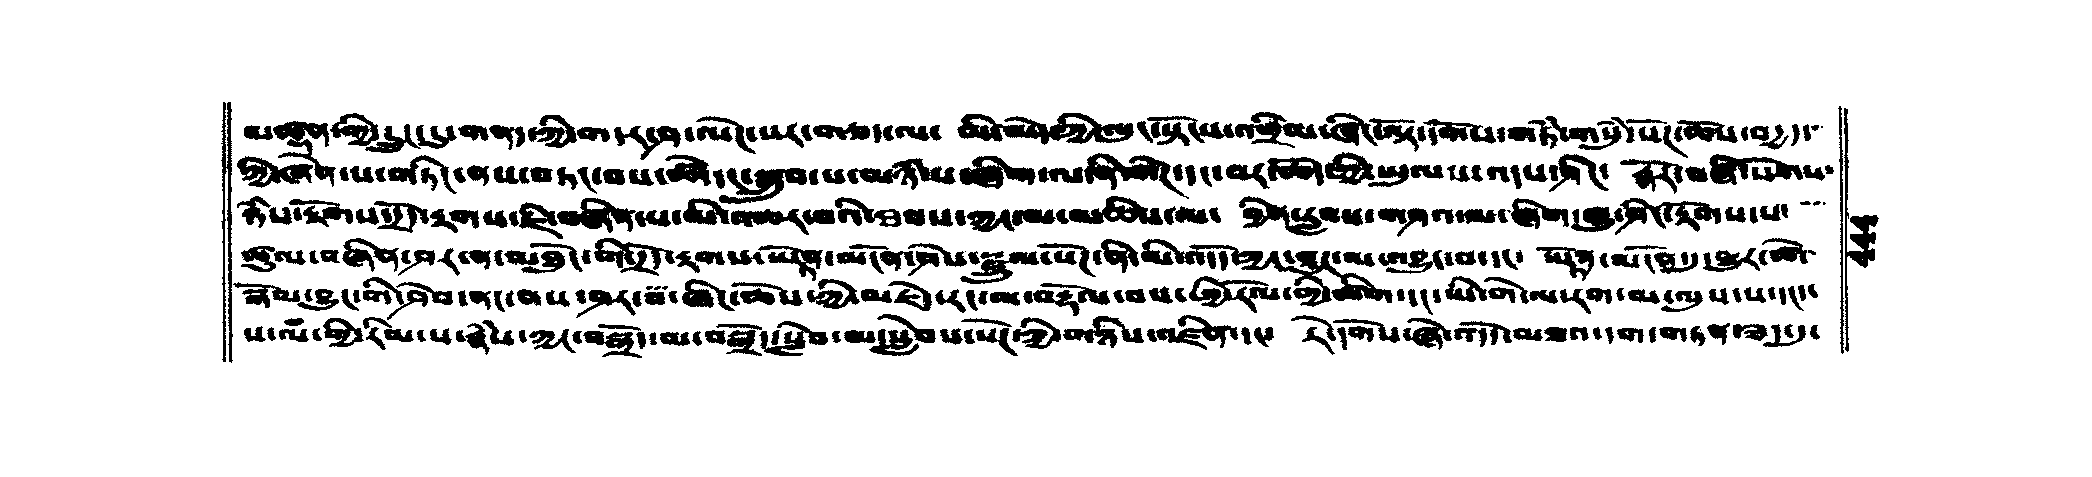མཚན་ལྡན་གྱི་དྲུང་དུ་གནད་ཀྱི་གདར་ཤ་ལེགས་པར་གཅད་ལ། མི་མེད་ཀྱི་ལུང་སྟོང་འགྲིམ་ཞིང་ལྟོ་དགོས་གཏམ་སོགས་ཆོས་བརྒྱད་
ཀྱི་ཞེན་པ་གཏིང་ནས་བཏང་བས་ཚེ་དང་སྒྲུབ་པ་མཉམ་པ་ཞིག་ལ་ནི་གེགས་དང་བར་ཆད་ཀྱི་ཡུལ་ལས་འདས་ཤིང་། རྣལ་འབྱོར་བཞི་་སོགས་
ཉམས་རྟོགས་དྲོད་རྟགས་ཇི་བཞིན་པ་མི་འཆར་བའི་ཐབས་ཀྱང་མ་མཆིས་ལ། བྱིན་རླབས་གཤའ་མ་ཞིག་ཞུ་ཤིང་རྟོགས་པ་
ཚུལ་བཞིན་ཤར་ན་ཐུན་མོང་གི་དྲོད་རྟགས་ཡོན་ཏན་མངོན་ཤེས་རྫུ་འཕྲུལ་སོགས་ནི་མི་འདོད་ཀྱང་ཤུགས་ལ་འབྱུང་བ་དང་། ཡོན་ཏན་མངོན་དུ་གྱུར་ཚེ་
སྒོམ་བྱུང་གི་ཤེས་རབ་ནང་ནས་ཤར་བ་ཞིང་ཆོས་ཀྱི་མཇེད་རང་ལ་བརྡོལ་བས་ཕྱི་རོལ་གྱི་ཚིག་དང་ཡི་གེ་ལ་རག་མ་ལུས་པ་དང་། 
ས་ལམ་གྱི་རིམ་པ་རྣམས་ཀྱང་བསྒྲོད་མ་བསྒྲོད་སླེབ་མ་སླེབ་པ་སོགས་ཀྱི་གཉིས་འཛིན་དང་།རེ་འདོད་ཞེ་འདོད་མཐའ་དག་གཏན་ཟད་དུ་